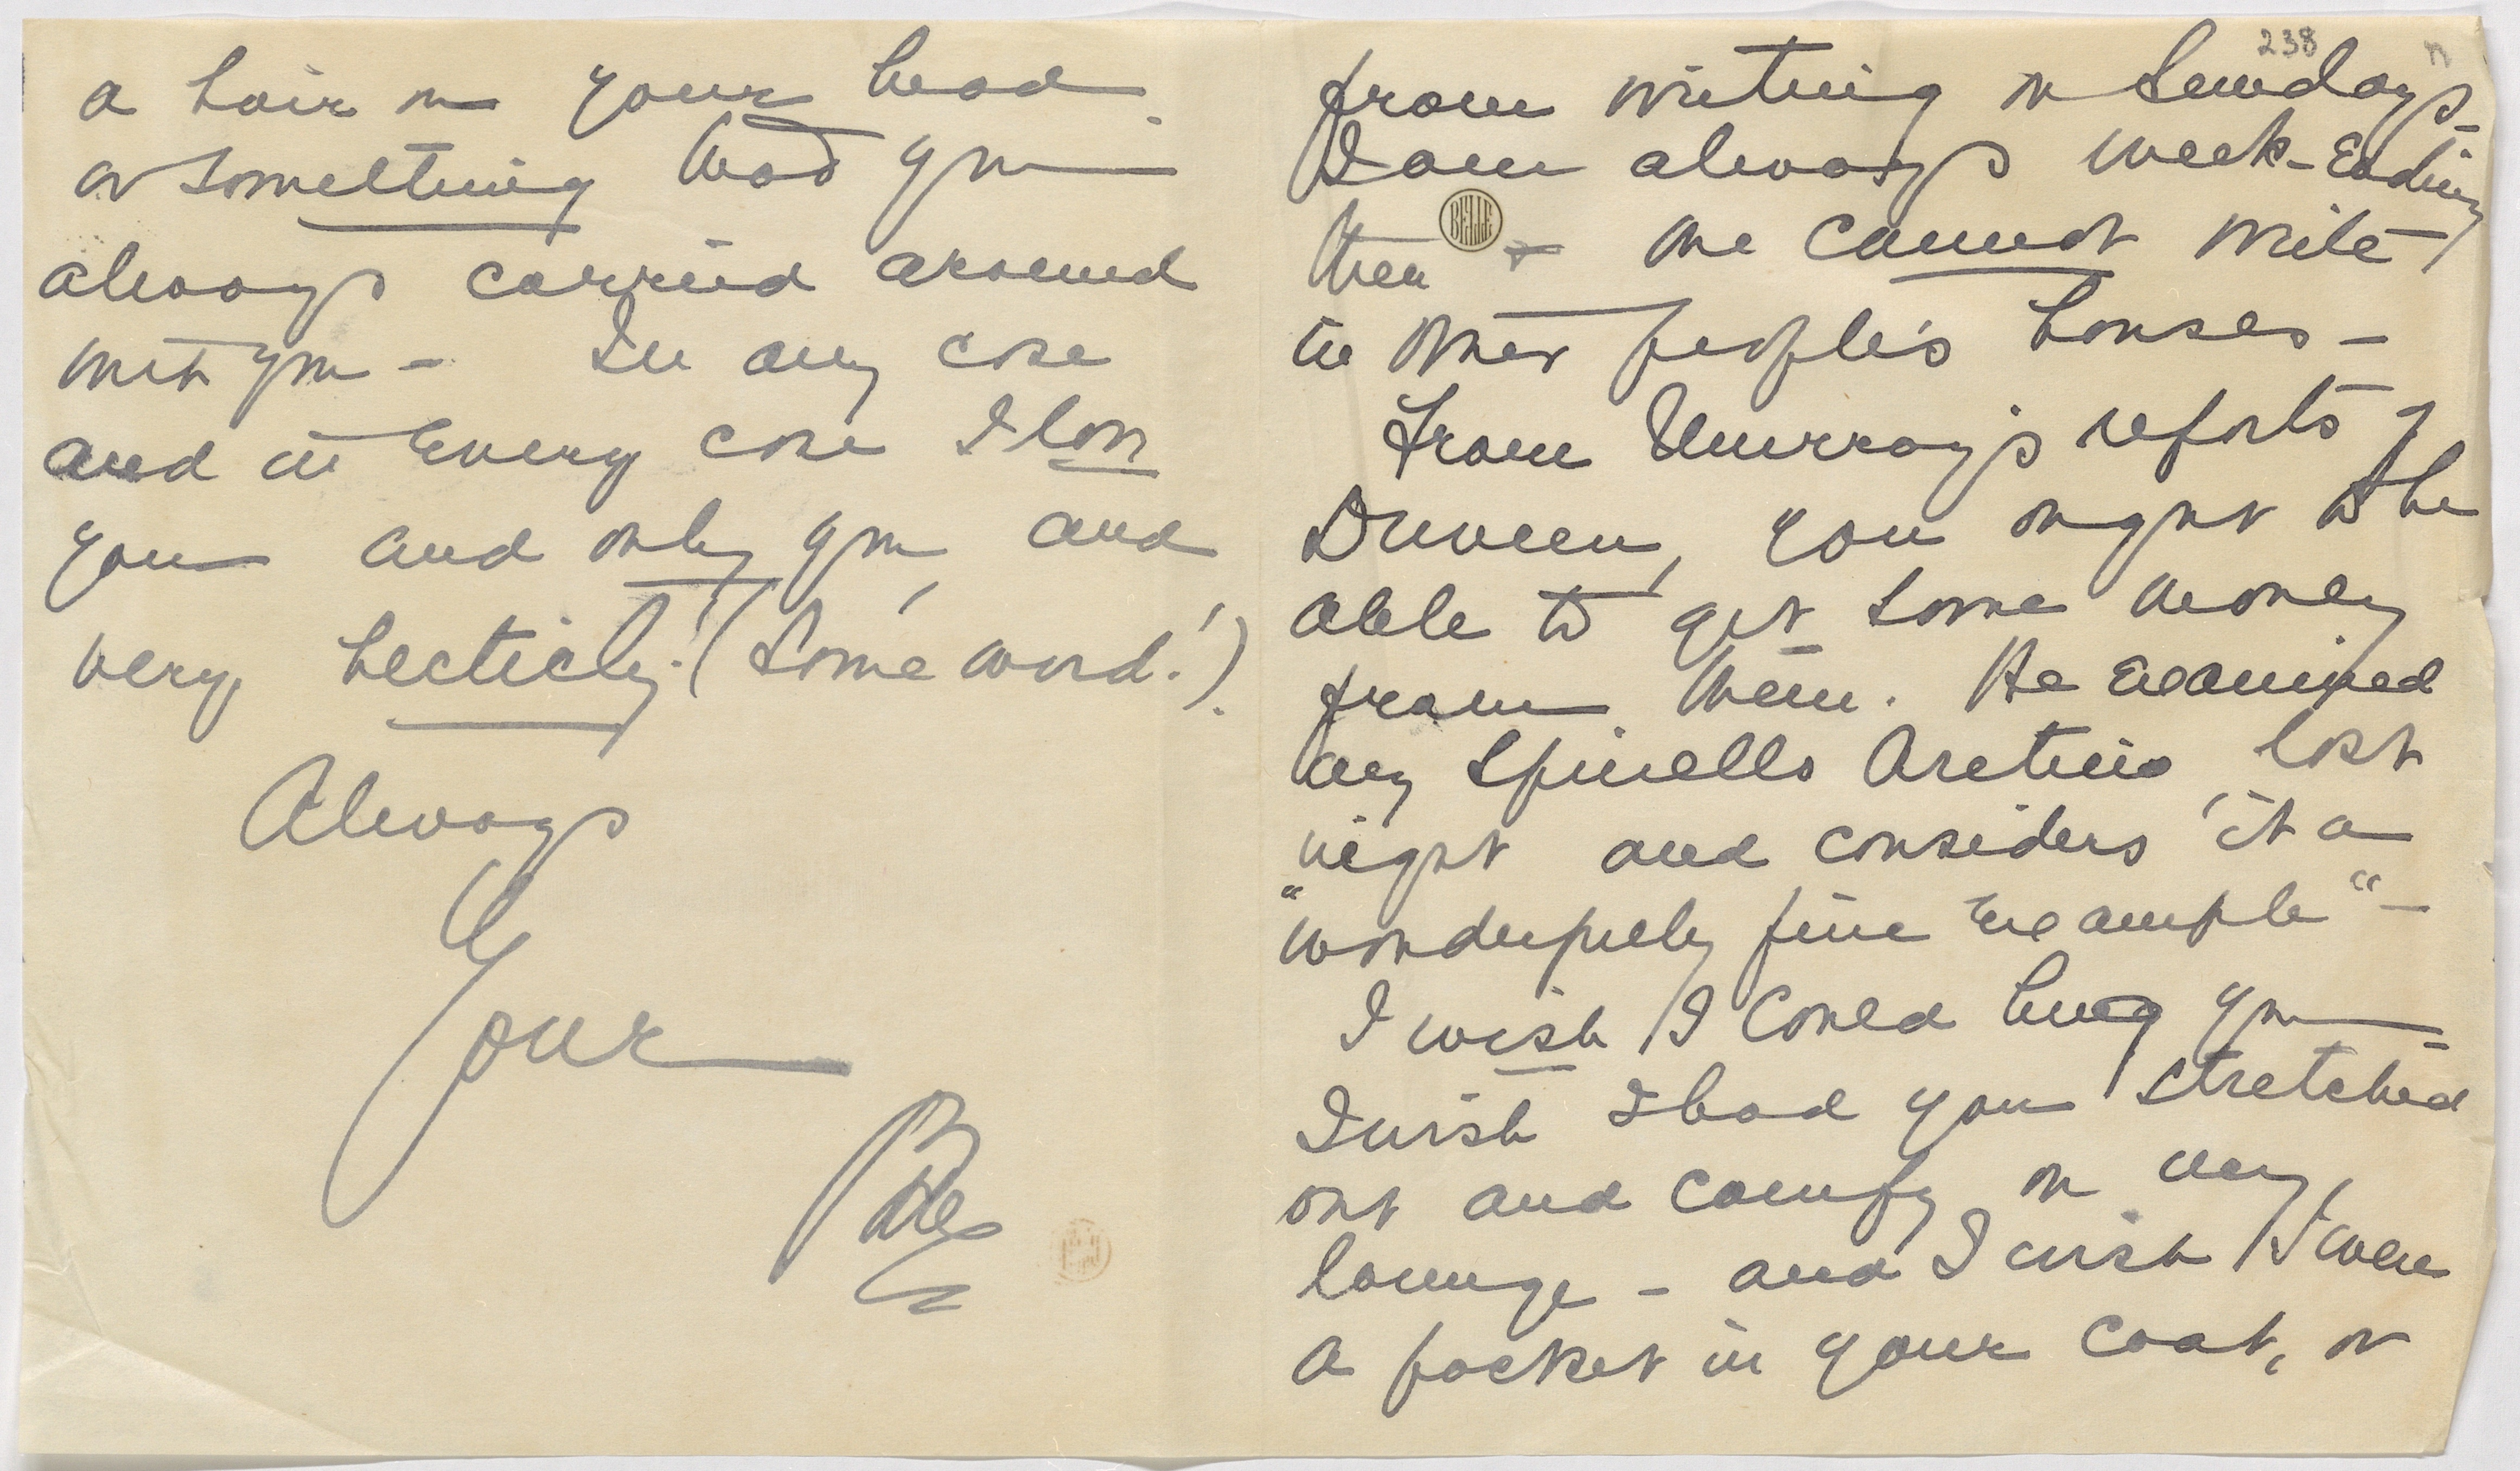from writing on Sundays – I am always week-ending then & one cannot write in other people’s houses –
From Murray’s reports of Duveen, you ought to be able to get some money from them. He examined my Spinello Aretino last night and considered it a “wonderfully fine example” –
I wish I could hug you – I wish I had you stretched out and comfy on my lounge – and I wish I were a pocket in your coat, or
a hair on your head or something that you always carried around with you – In any case and in every case I love you and only you, and very hecticly! (some word!)
Always
Your
Belle